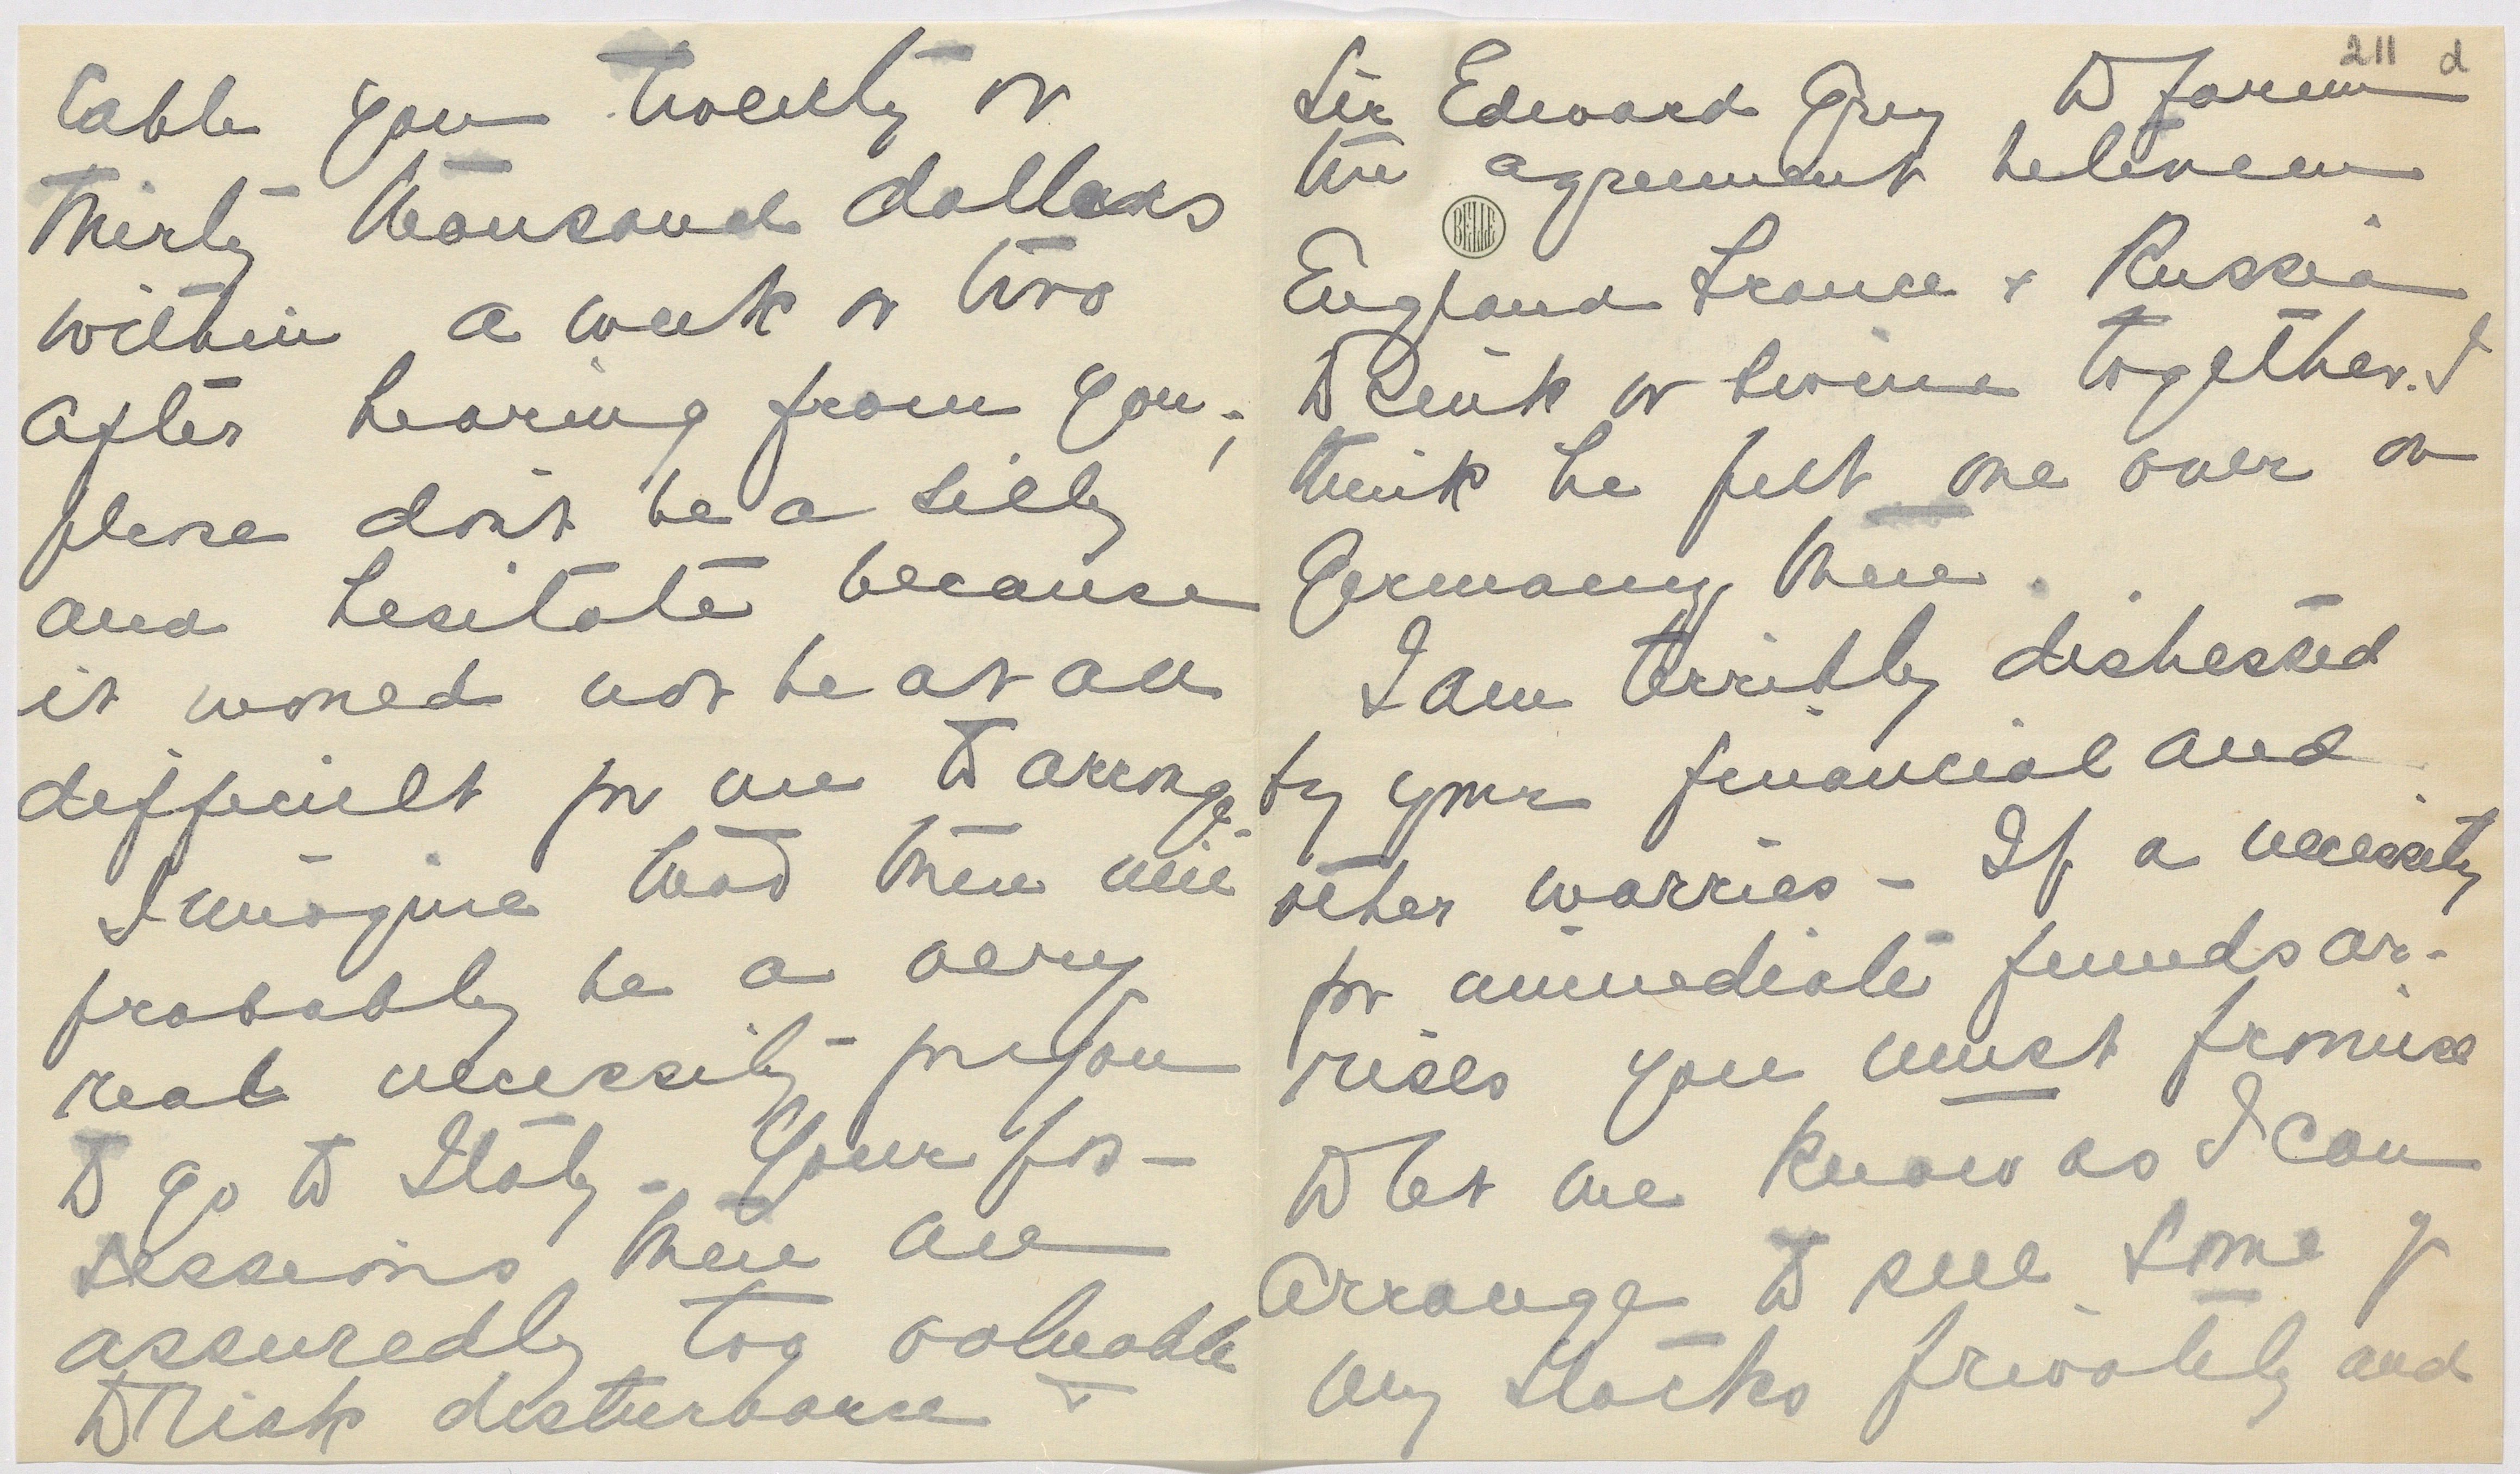Sir Edward Grey to form the agreement between England France & Russia to sink or swim together. I think he put one over on Germany there.
I am terribly distressed by your financial and other worries – If a necessity for immediate funds arises you must promise to let me know so I can arrange to sell some of my stocks privately and
cable you twenty or thirty thousand dollars within a week or two after hearing from you – please don’t be a silly and hesitate because it would not be at all difficult for me to arrange. I imagine that there will probably be a very real necessity for you to go to Italy – Your possessions there are assuredly too valuable to risk disturbance &